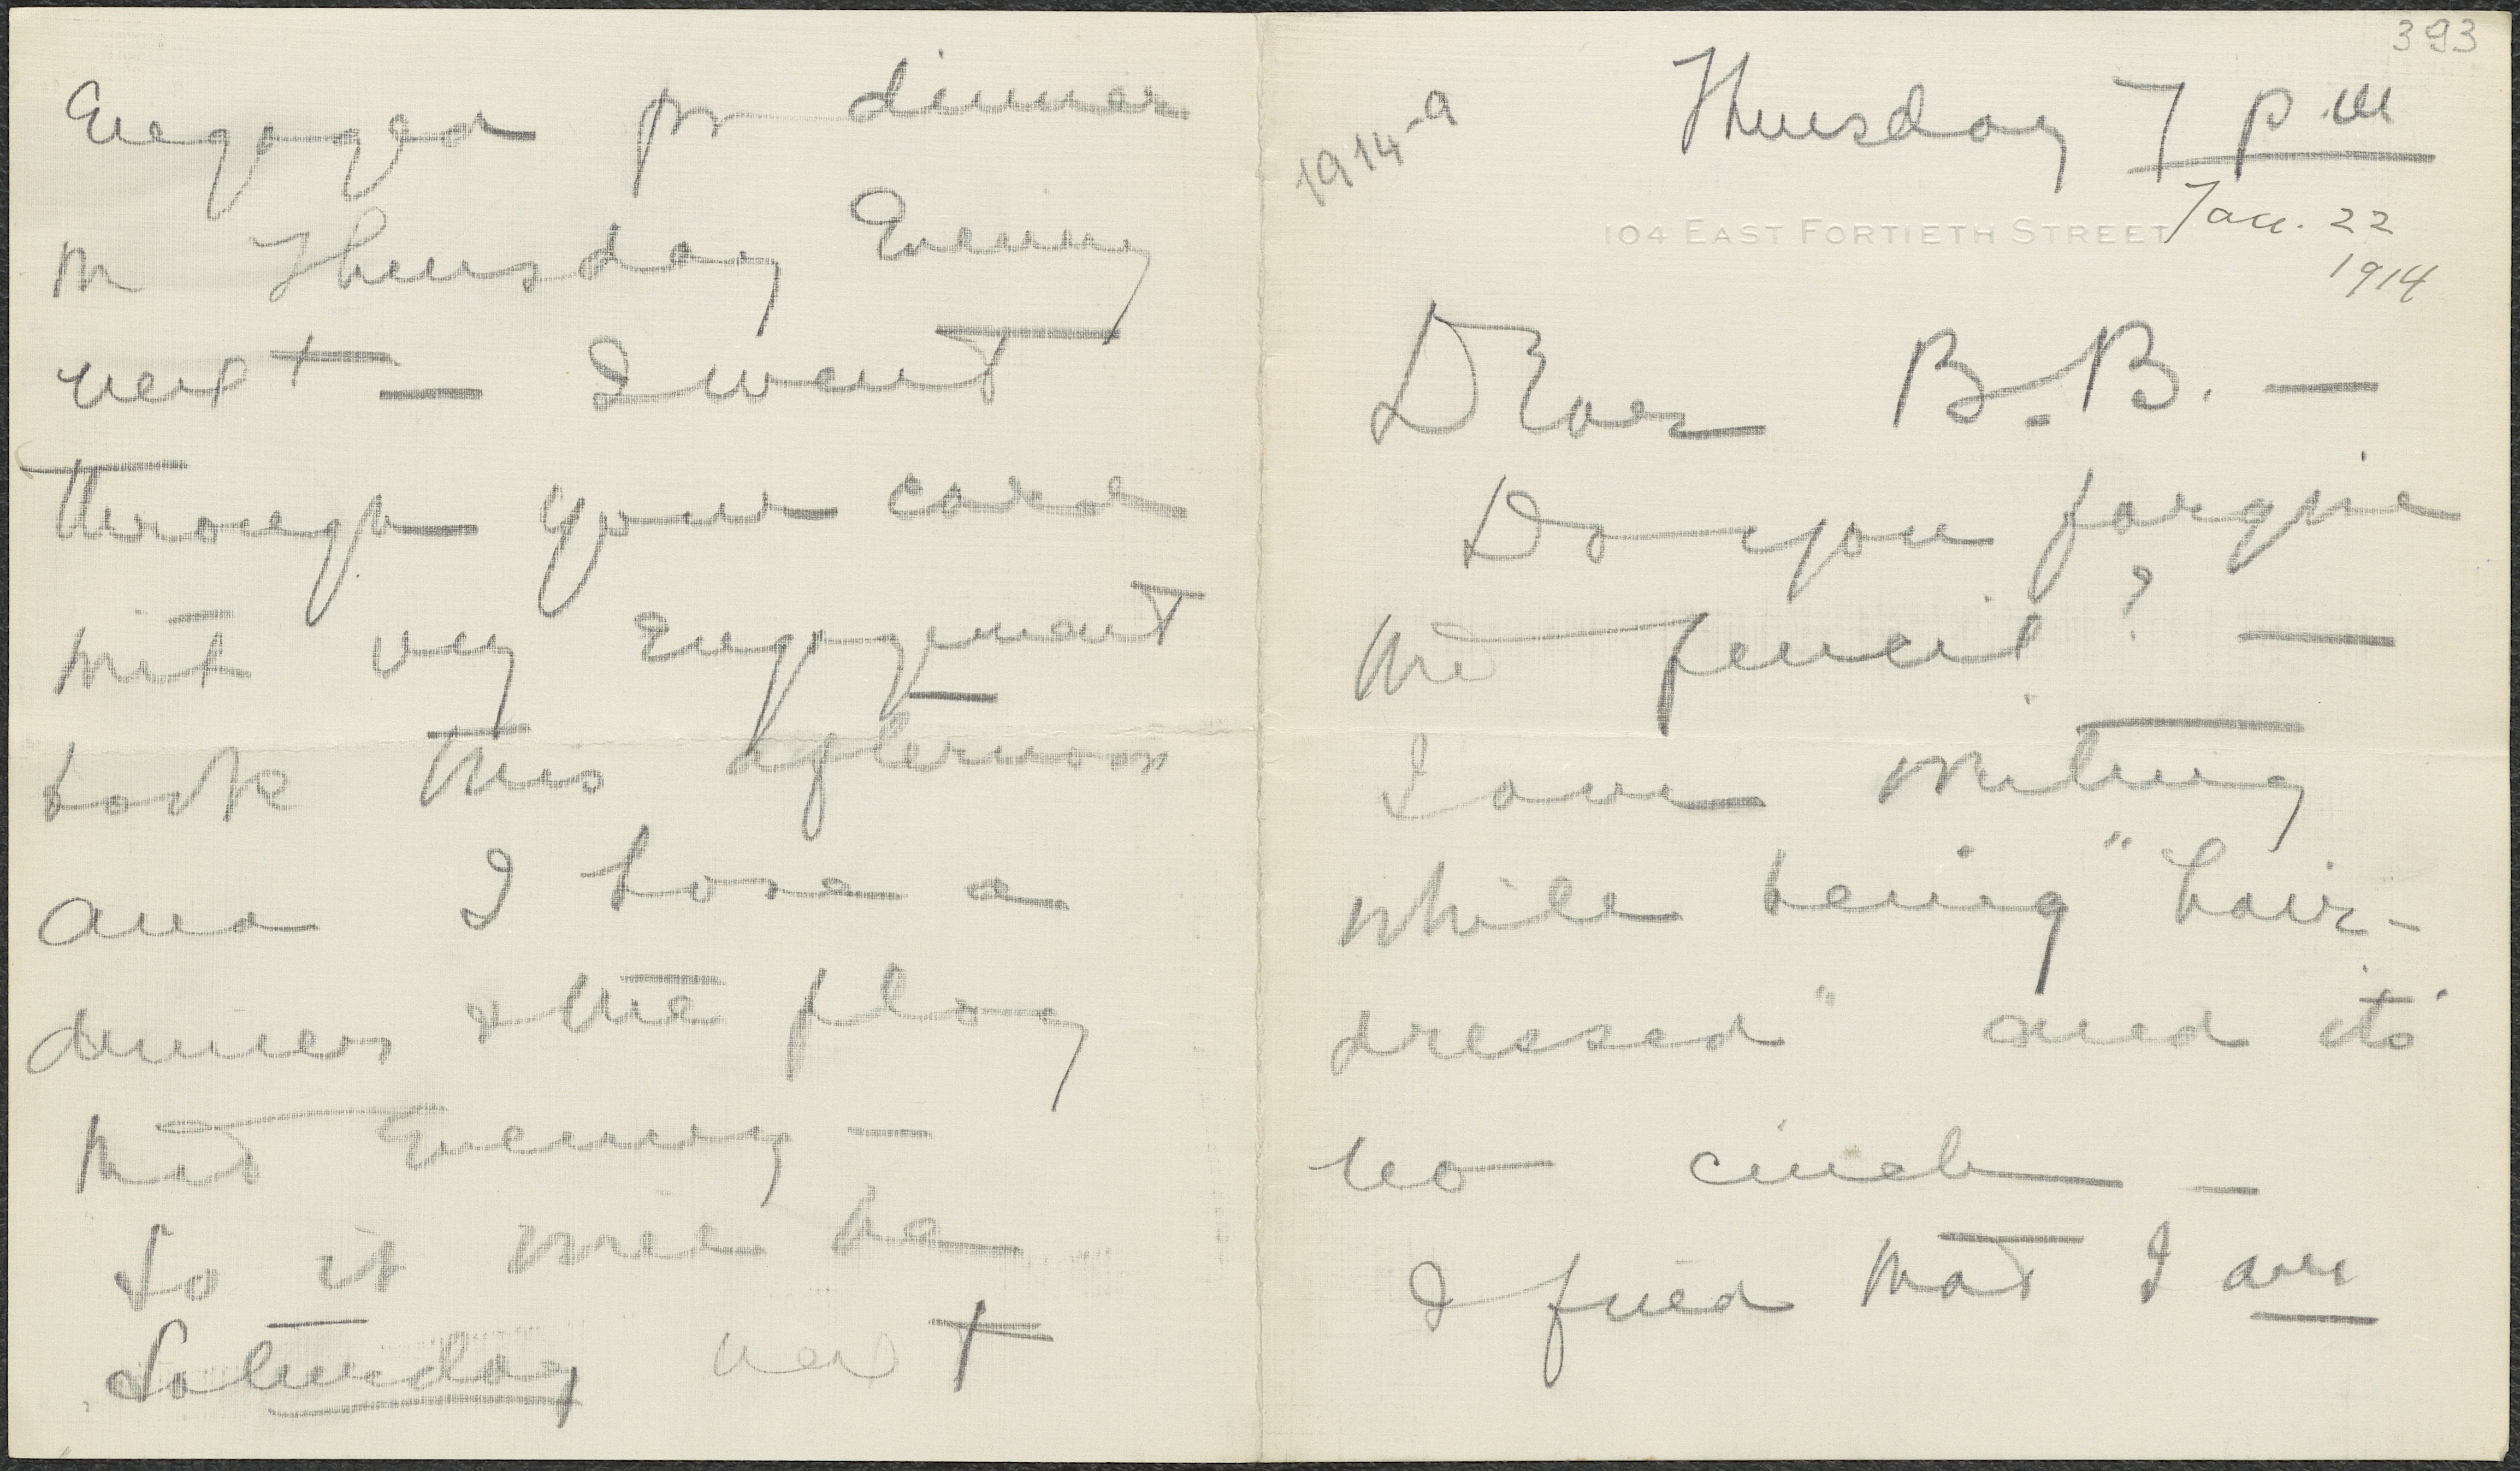Thursday 7 pm
Dear B.B. –
Do you forgive the pencil? –
I am writing while being “hair-dressed” and it’s no cinch –
I find that I am
Engaged for dinner on Thursday evening next – I went through your card with my engagement book this afternoon and I have a dinner & the play that evening – so it will be Saturday next